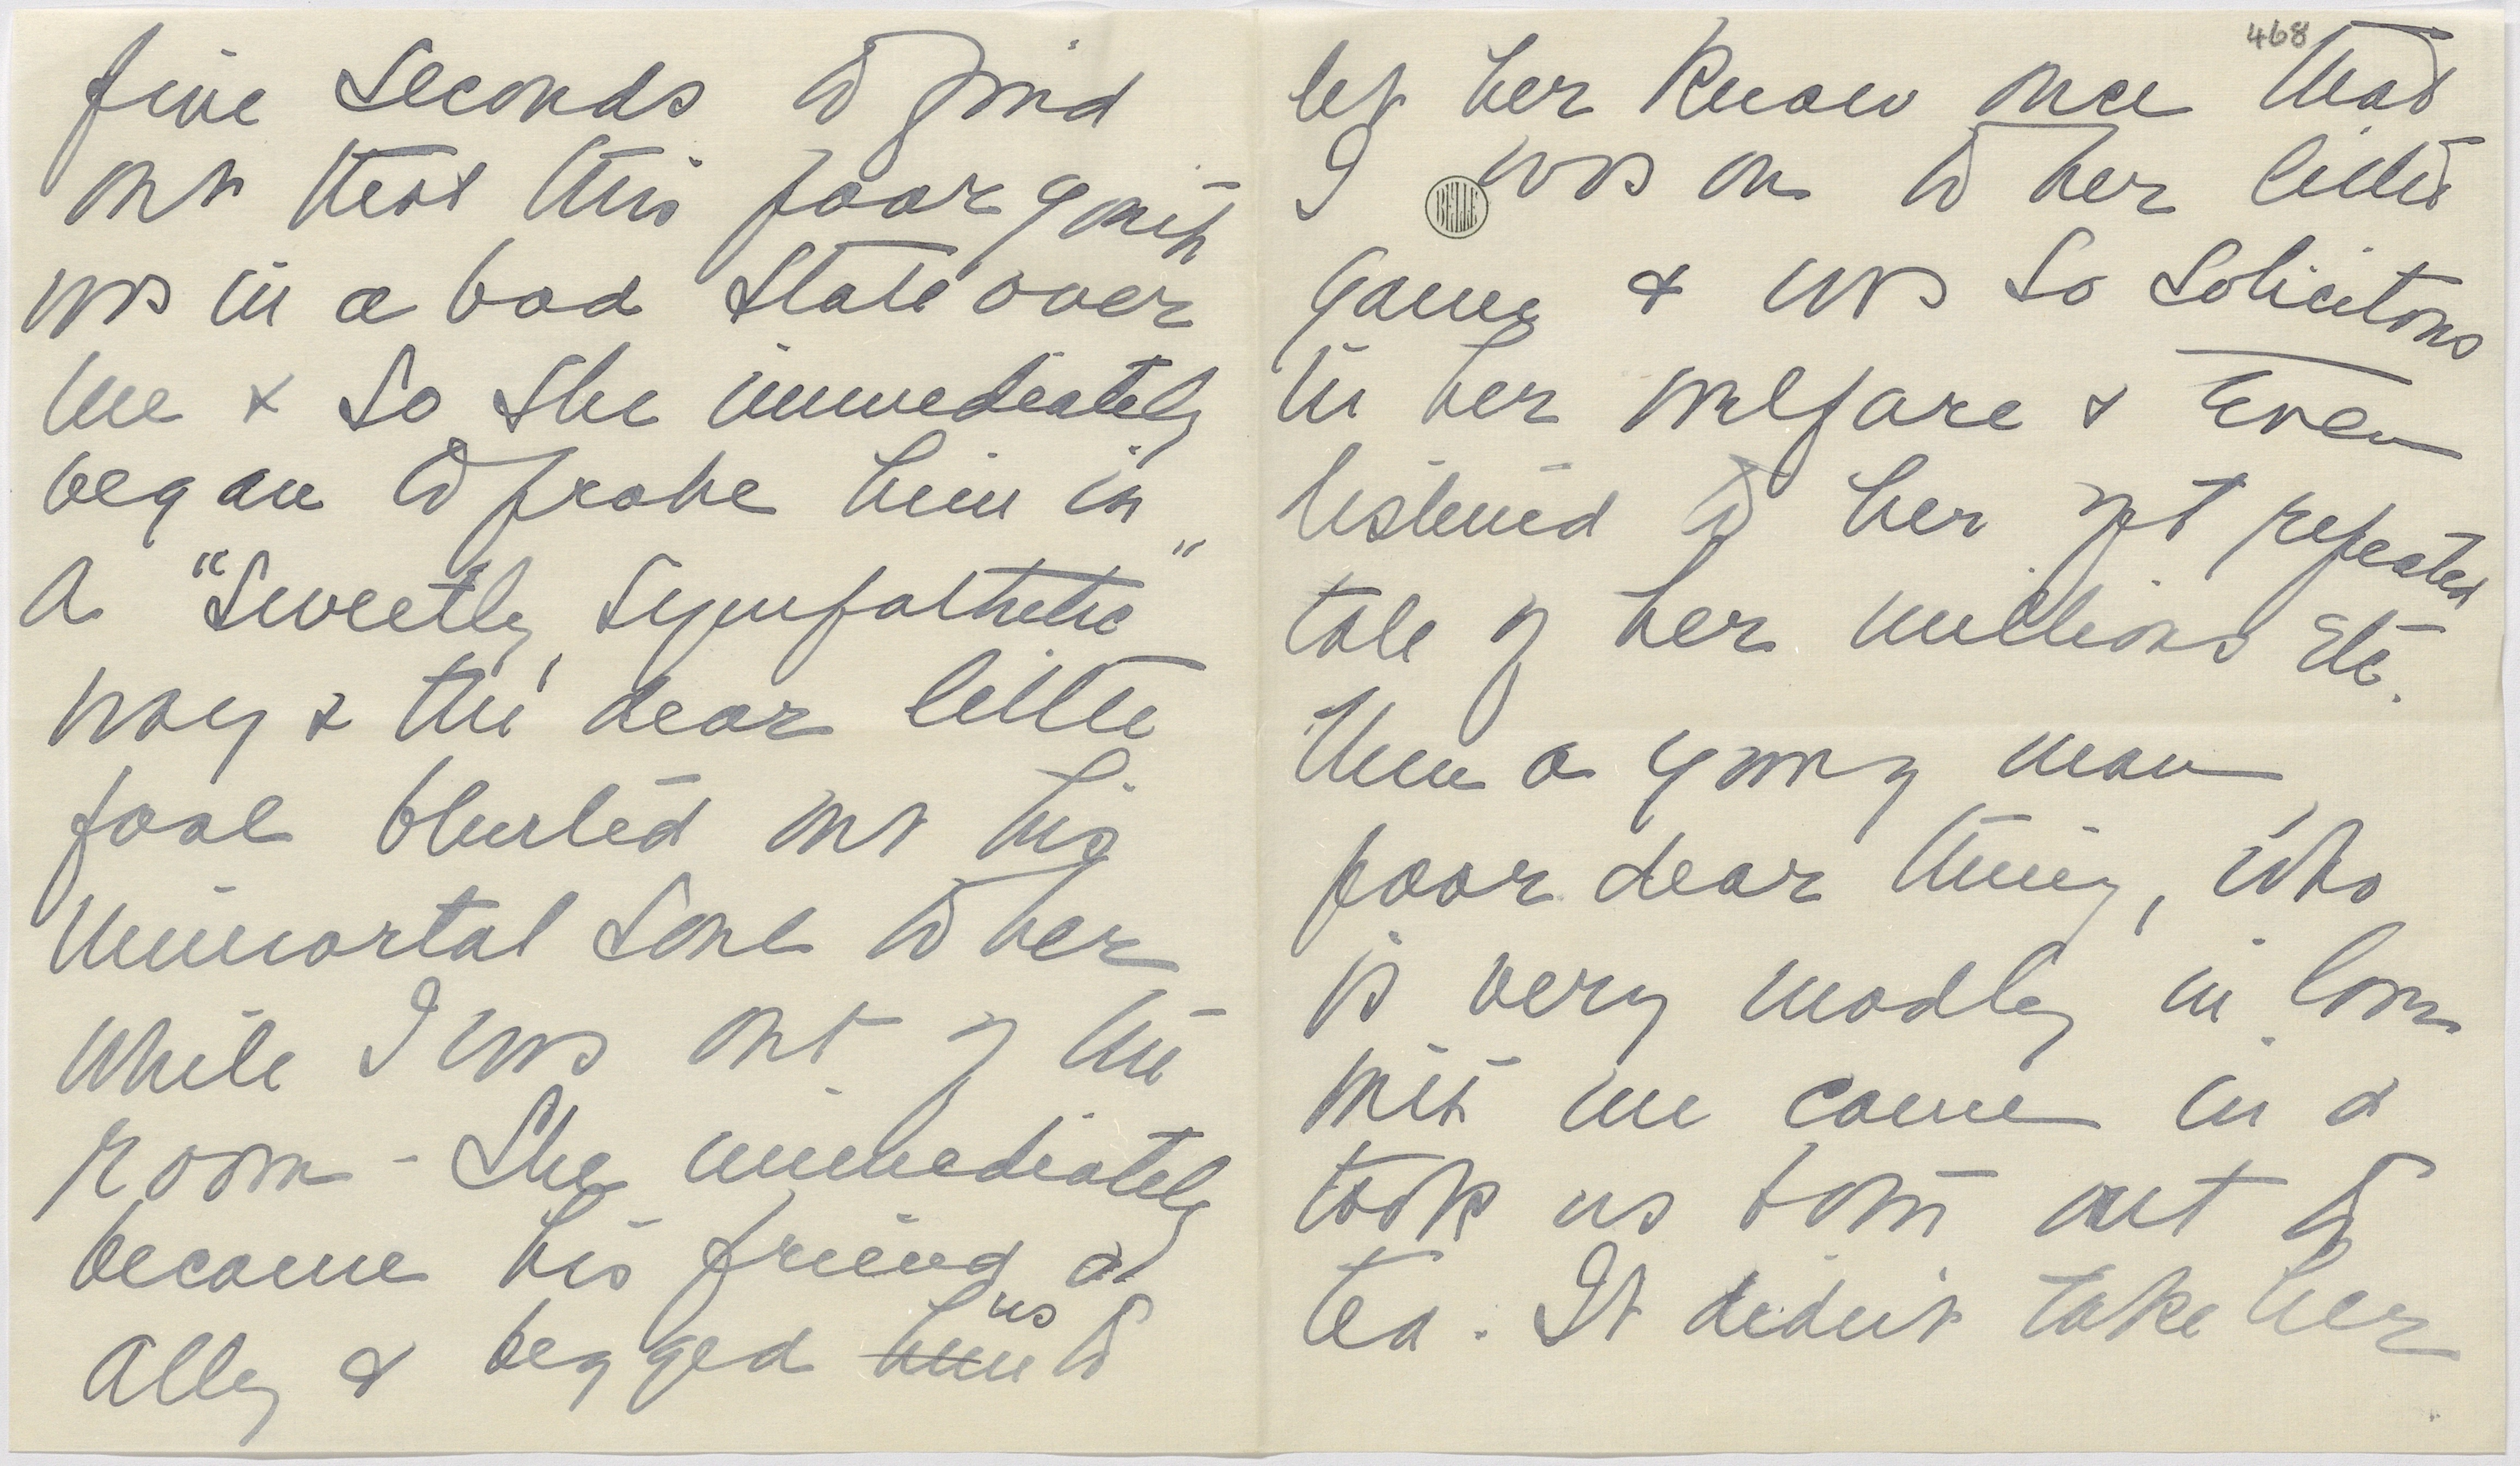let her know once that I was on to her little games & was so solicitous in her welfare & even listened to her oft repeated tale of her millions etc. Then a young man, poor dear thing, who is very madly in love with me came in & took us both out to tea. It didn’t take her
five seconds to find out that this poor youth was in a bad state over me & so she immediately began to probe him in a “sweetly, sympathetic” way & the dear little fool blurted out his immortal soul to her while I was out of the room – She immediately became his friend & ally & begged him [^us^] to